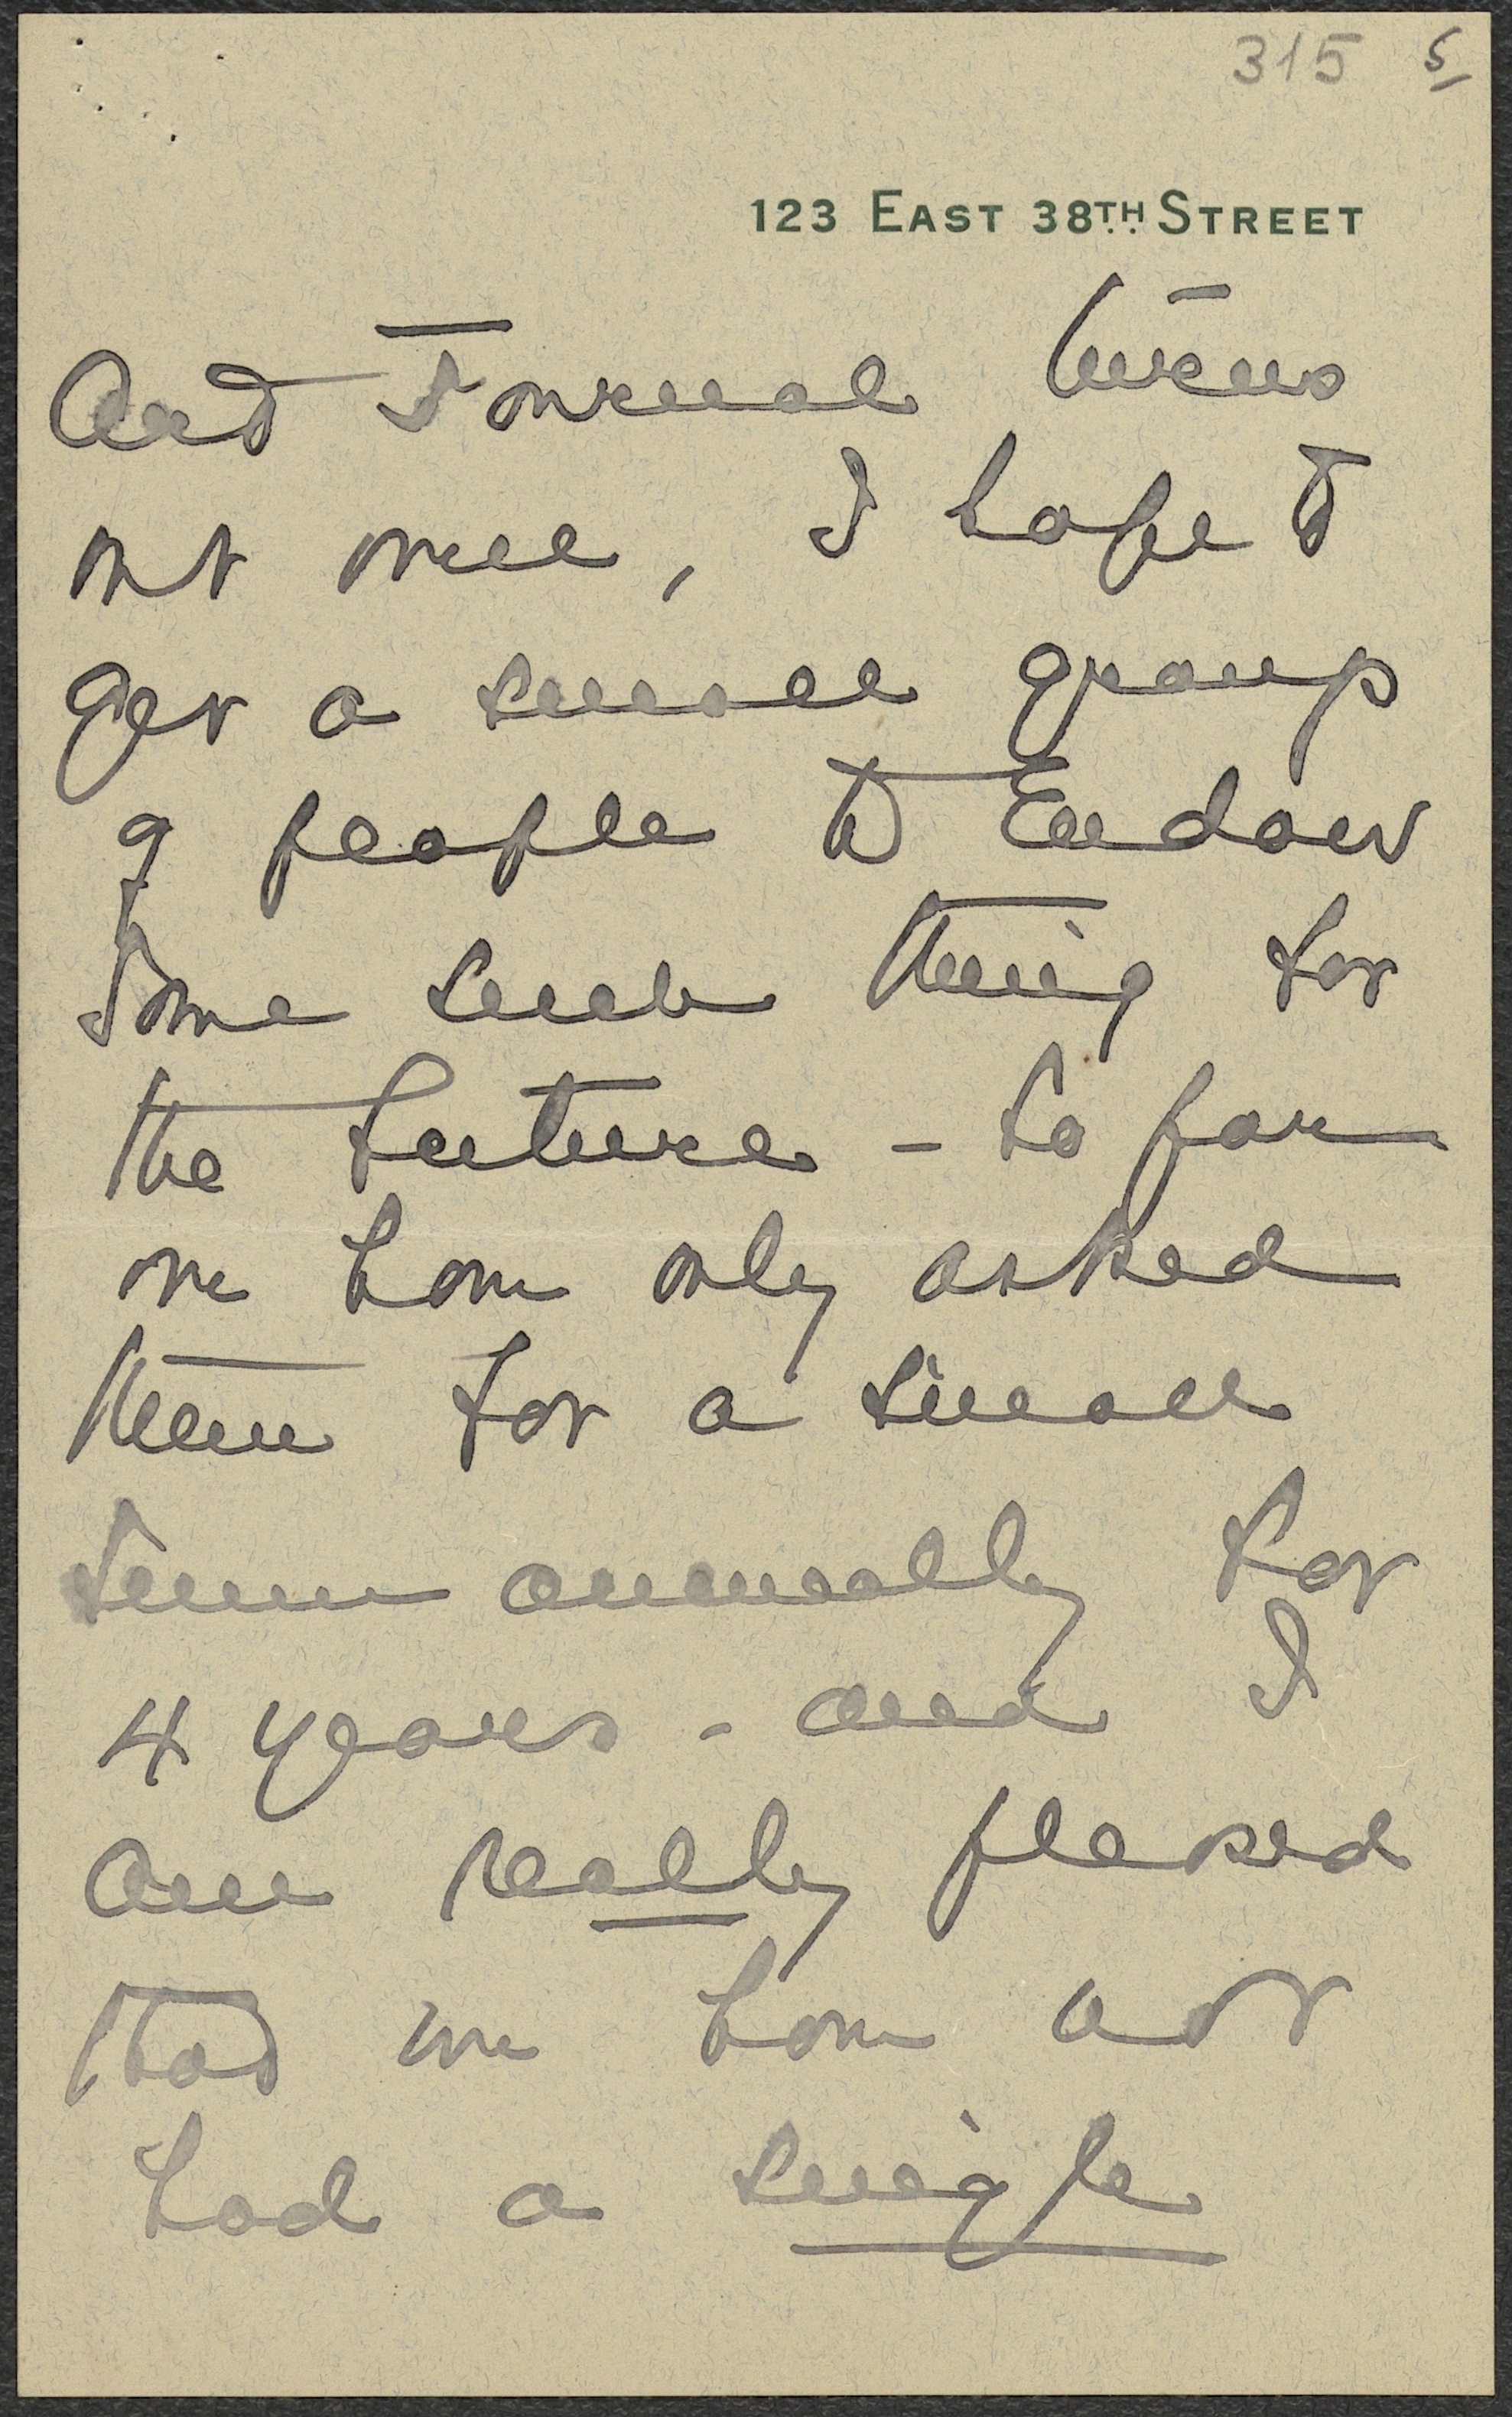Art Journal turns out well, I hope to get a small group of people to Endow some such thing for the future – so far we have only asked them for a small sum annually for 4 years – and I am really pleased that we have not had a single